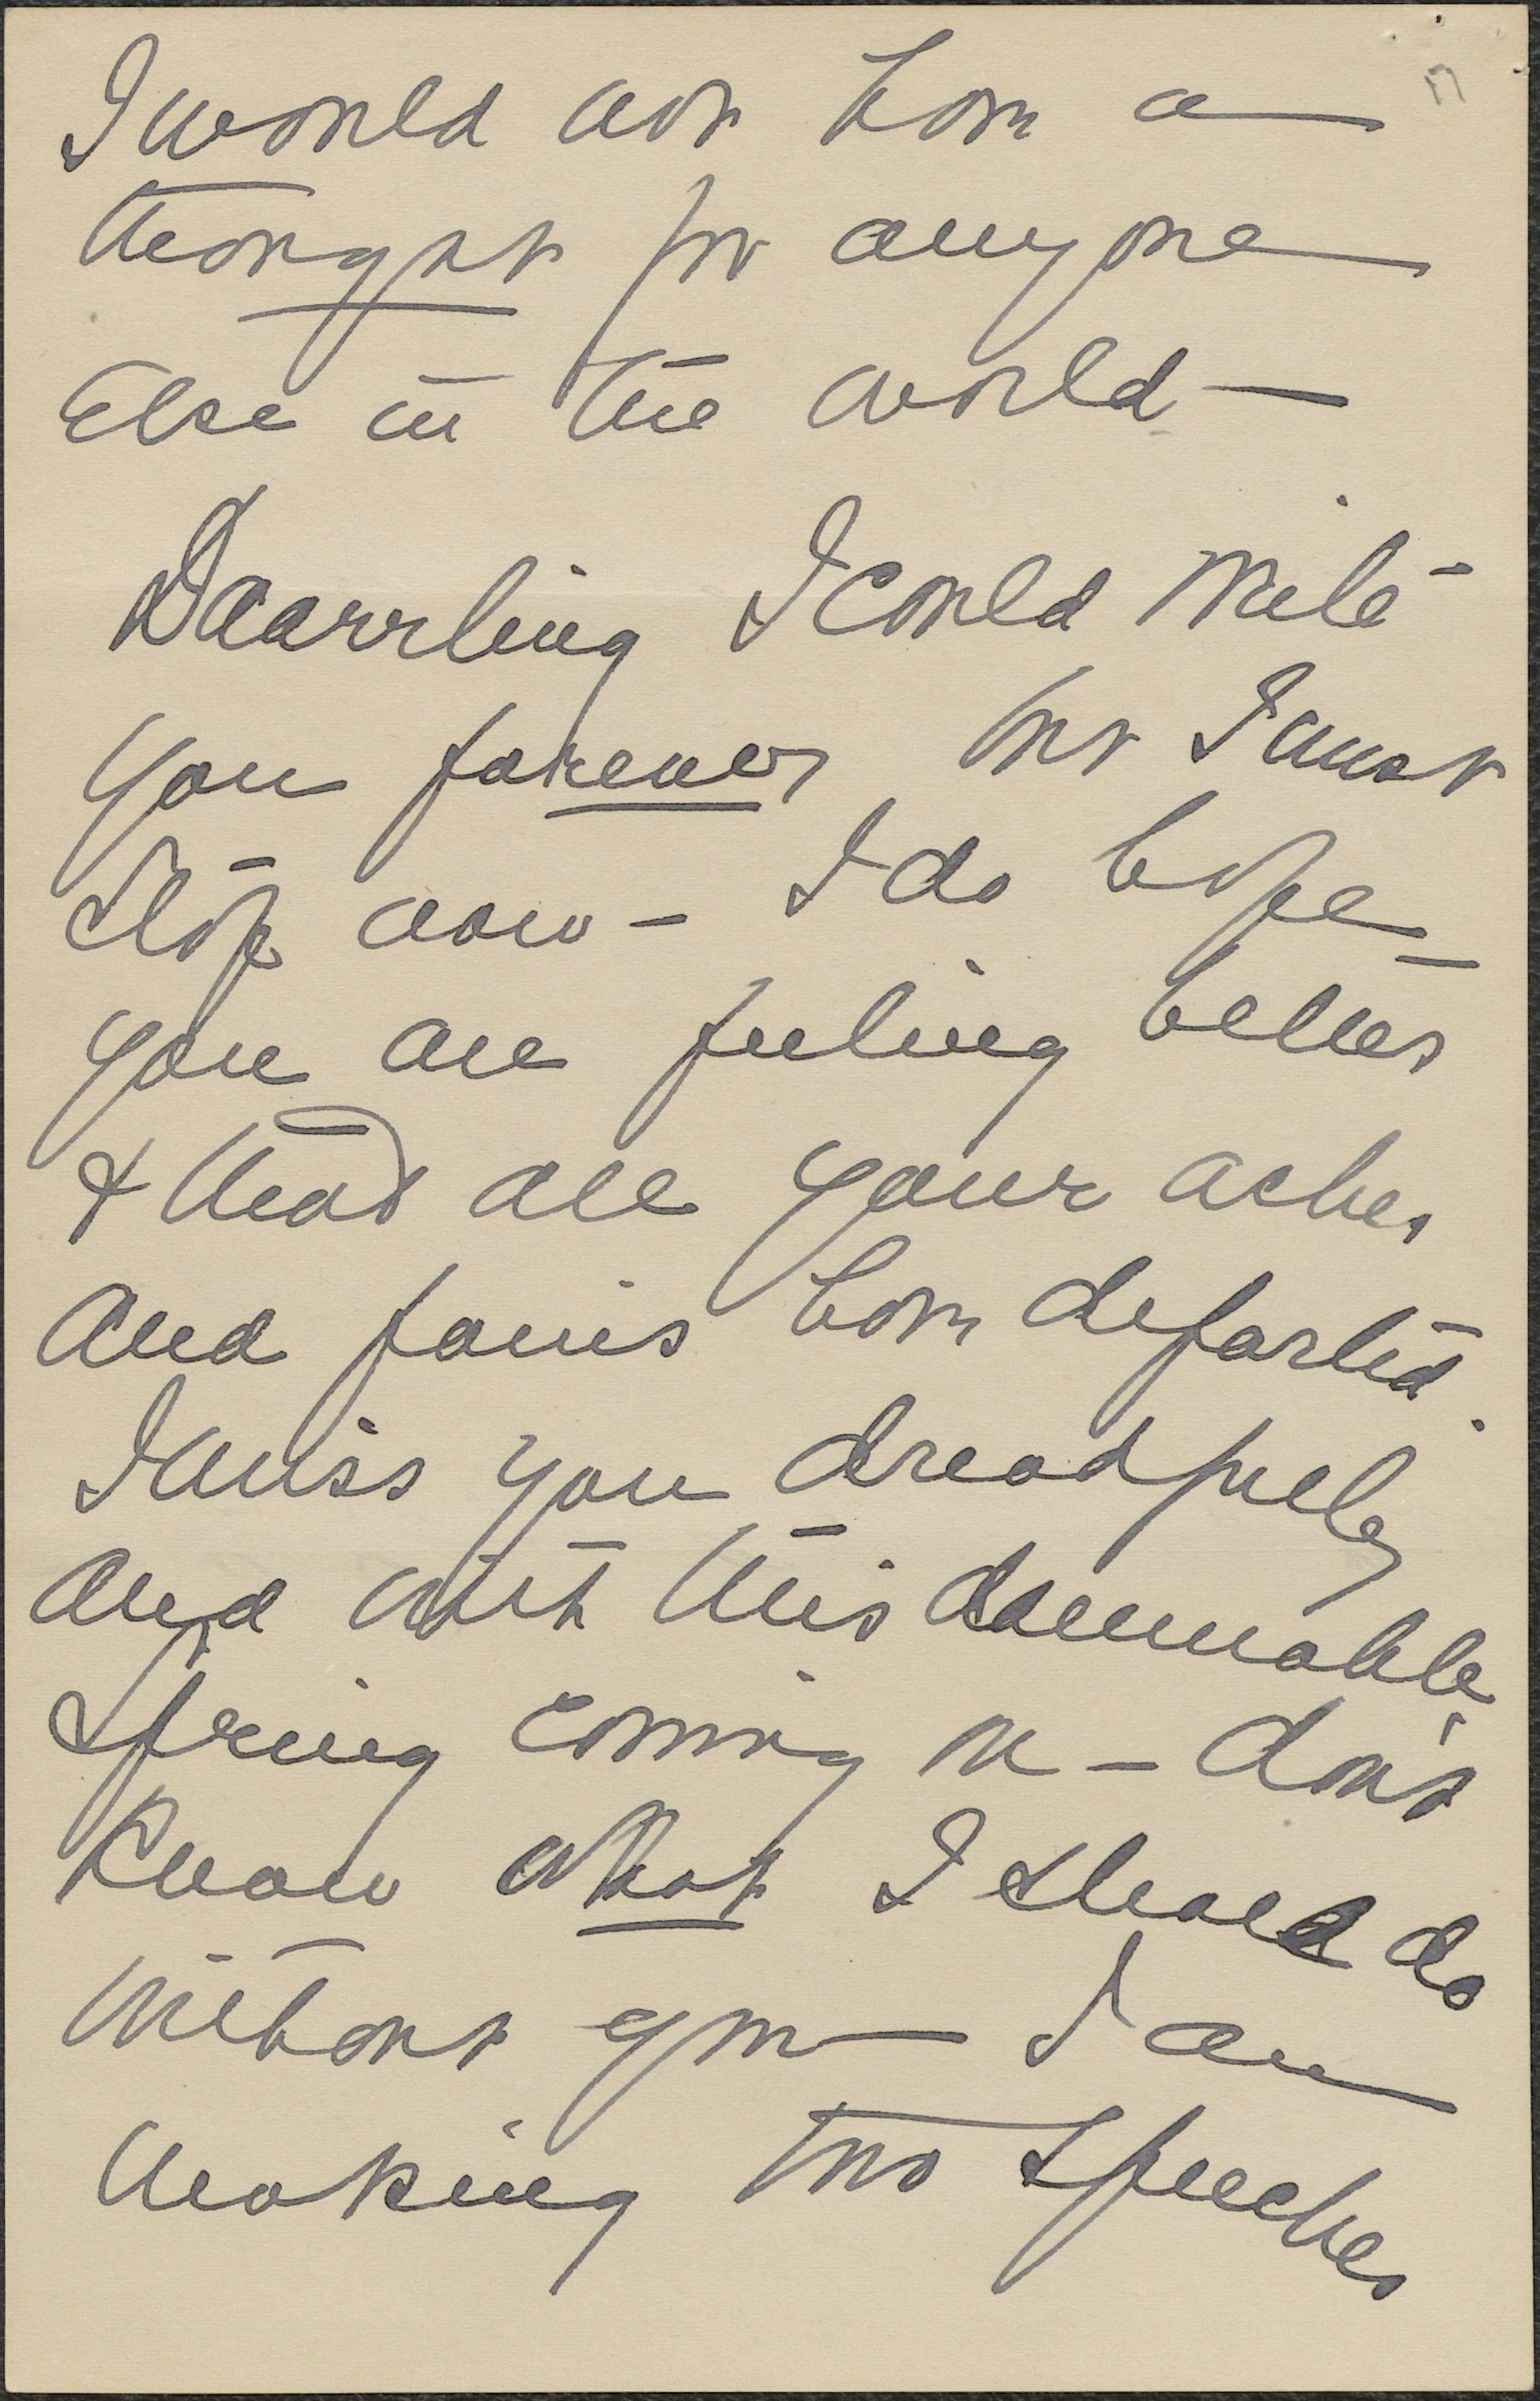I would not have a thought for anyone else in the world –
Daarrling I could write you forever but I must stop now – I do hope you are feeling better & that all your aches and pains have departed.
I miss you dreadfully and with this damnable Spring coming on – don’t know what I shall do without you – I am making two speeches